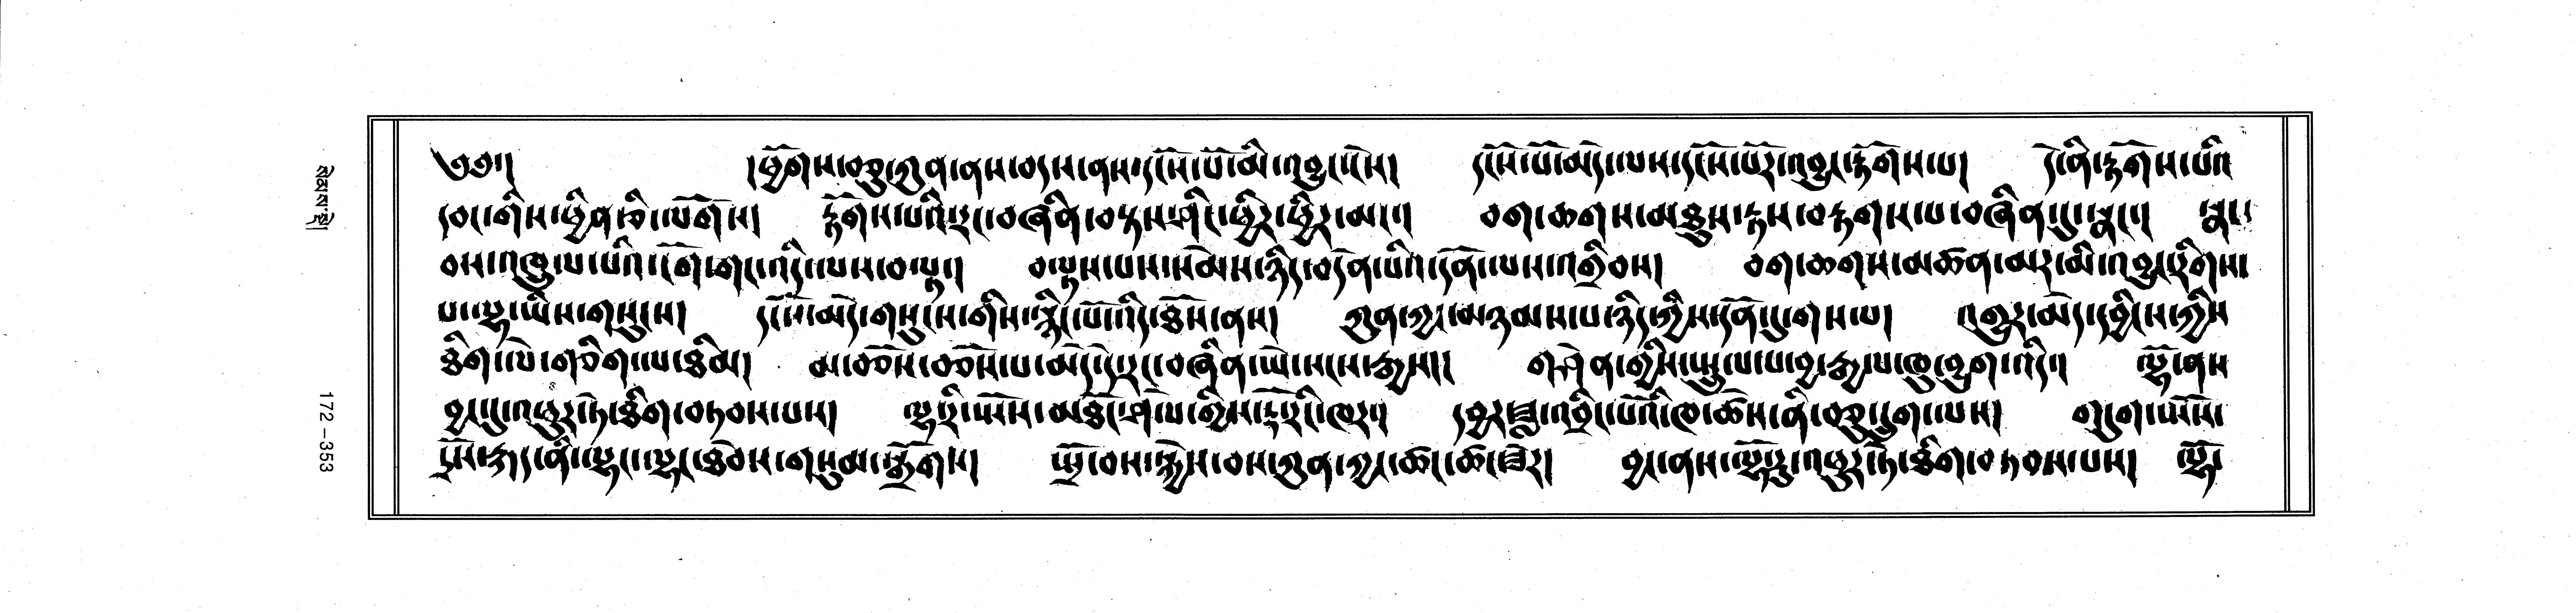ཕྱོགས་བཅུ་ཀུན་ནས་བདས་ནས་དངོས་པོ་མི་འབྱུང་ངེས། དངོས་པོ་མེད་ལས་དངོས་པོར་འབྱུང་རྟོགས་པ། དེ་ནི་རྟོགས་པའི་
དབང་གིས་ཕྱིན་ཅི་ལོག། རྟོགས་པའི་རང་བཞིན་བསྟས་ཤིང་ཕྱིར་ཕྱིར་མང་། བག་ཆགས་མཐུས་རྟས་བརྟགས་པ་བཞིན་དུ་སྣང་། སྣང་
བས་འཁྲུལ་པའི་ངོག་གང་འདི་ལས་བལྟ། བལྟས་པས་སེམས་ཉིད་བདེན་པའི་དོན་ལས་འགྲིབས། བག་ཆགས་མཚན་མར་མི་འབྱུང་རིགས་
པ་ལྷ་ཡིས་གསུངས། དངོས་མེད་གསུངས་གིས་སྙིང་པོ་འདི་ཐོས་ནས། ཀུན་ཀྱང་མཉམ་པ་ཉིད་ཀྱིས་དོན་དུ་གསལ། འགྱུར་མེད་དབྱིངས་ཀྱིས་
ཐིག་ལེ་གཅིག་ལ་ཐིམ། མ་བཅོས་བཅོས་པ་མེད་དེ་རང་བཞིན་ཡེ་སངས་རྒྱས། གཤེན་གྱིས་སྤྲུལ་པ་བྱ་རྒྱལ་ཁུ་བྱུག་འདི། ལྷོ་ནས་
བྱང་དུ་འཕུར་ཏེ་ཐིག་བཏབས་པས། ལྷ་རི་སྤས་མཐོང་ཤེལ་གྱིས་རྡོ་རིང་ཁར། དབྱར་ཟླ་འབྲིང་པོའི་ཚེས་ནི་བཅུ་དྲུག་ལས། གདུག་སྤོས་
དྲོས་རྐད་ནི་ལྷང་ལྷང་ཐེབས་གསུམ་སྒྲོགས། སྤྲོ་བས་སྐྱེས་བས་ཀུན་ཀྱང་ཚང་ཚང་ཟེར། བྱང་ནས་ལྷོ་རུ་འཕུར་ཏེ་ཐིག་བཏབས་པས། ལྷོ་